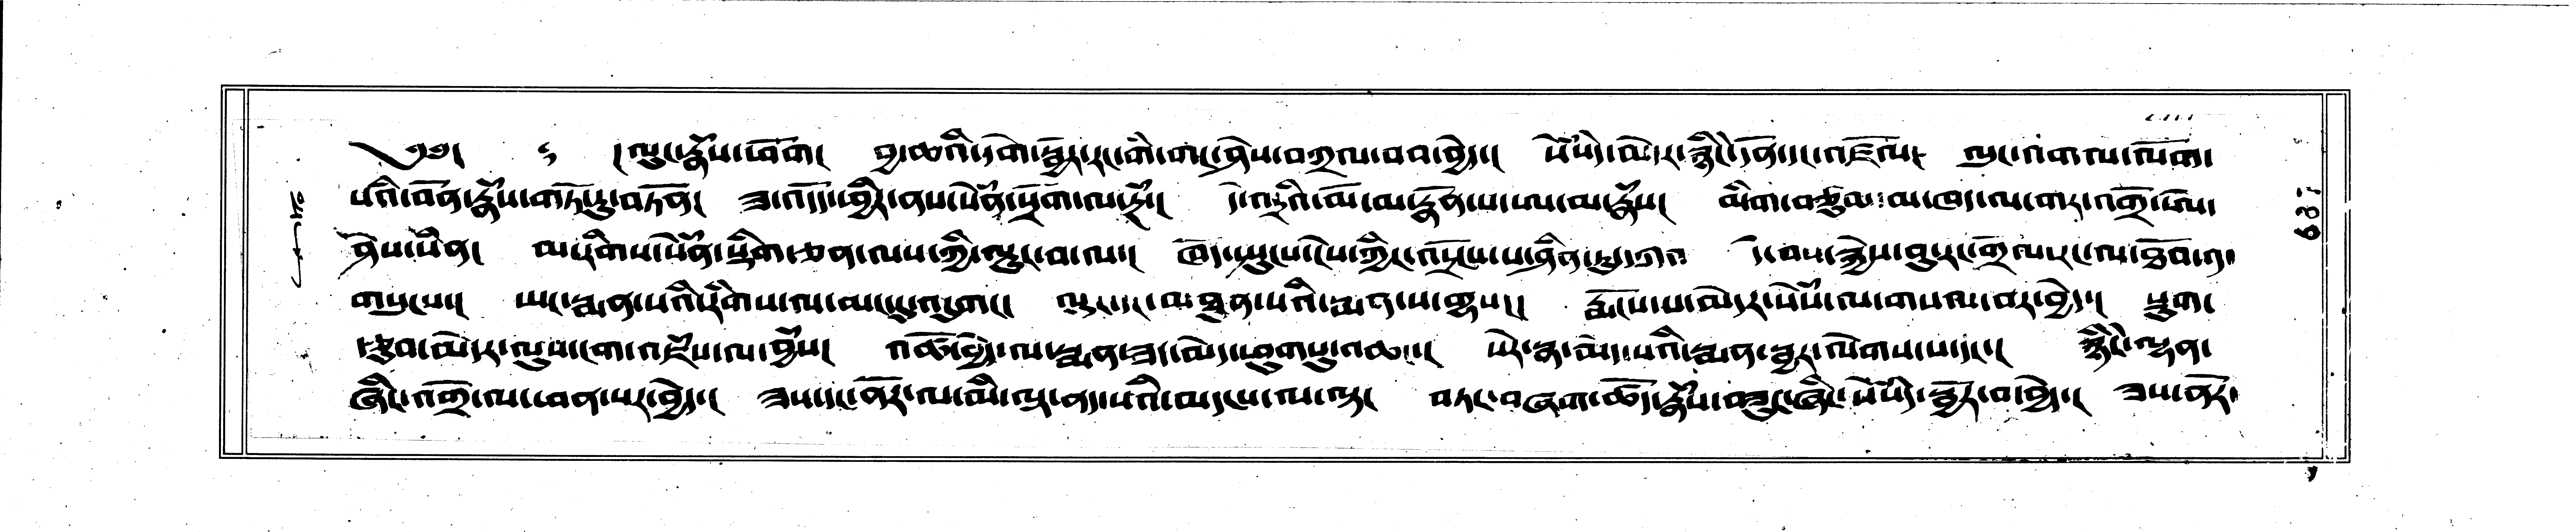ལུང་རྣམས་སྟོན། བྱ་ཆའི་དགེ་སྦྱོར་རང་གིས་གང་ཤེས་འབྲེལ་མེད་བྱེད། སེམས་སྐྱེད་མེད་པས་སྙིང་རྗེ་ཡིན་དོན་དང་འཛོལ། ལུང་གྷལ་(འགལ་)ལོག་
པའི་ཆོས་རྣམས་གཏོ་རུ་སྟོན། ཟ་འདོད་ཕྱིར་ན་སེམས་ཅན་སྲོག་ལ་བརློམས། དེ་འདྲའི་མོ་མ་ཨ་ཡ་རྣམས། མིག་བཙུམ་ནས་ནངས་པར་གར་འགྲོ་ཨེ་
ཤེས་ཟིན། མ་རིག་སེམས་ཅན་ལས་གྱི་གདུང་པ་རྣམས། ཁོད་སྤུངས་ཉིད་ཀྱི་དྲོང་པ་ཤིན་ཏུ་དཀའ། དེ་བས་སྐྱེས་བུ་རང་གྲོལ་རང་ལ་ཐོབ་གཅིག་
གསུངས།། ཡང་སྨན་པའི་རིགས་ལ་མང་དུ་ཡོད། ལུང་དང་མཐུན་པའི་སྨན་པ་གྷས་(འགས)། རྨོངས་པ་མེད་པར་སེམས་ལ་གསལ་བར་བྱེད། གདུག་
རྩུབ་མེད་པར་ལུས་ངག་འཇམ་ལ་བྱམས། འཚོ་བྱེད་སྨན་ནི་ཟད་མེད་ཕུག་དུ་འཆང། སེར་སྣ་མེད་པར་སྨན་སྦྱོར་ལེགས་པར་བྱེད། སྙིང་རྗེ་ལྡན་
པས་འགྲོ་ལ་གང་ཕེན་བྱེད། ཟ་༼ཟས༽དང་ནོར་ལ་མི་ལྟ་ནད་པའི་མདངས་ལ་ལྟ། བཏང་བཞག་ཚོད་རྣམས་བཟུང་ཅིང་སེམས་སྐྱེད་སྨན་སྦྱོར་བྱེད། ཟས་ནོར་